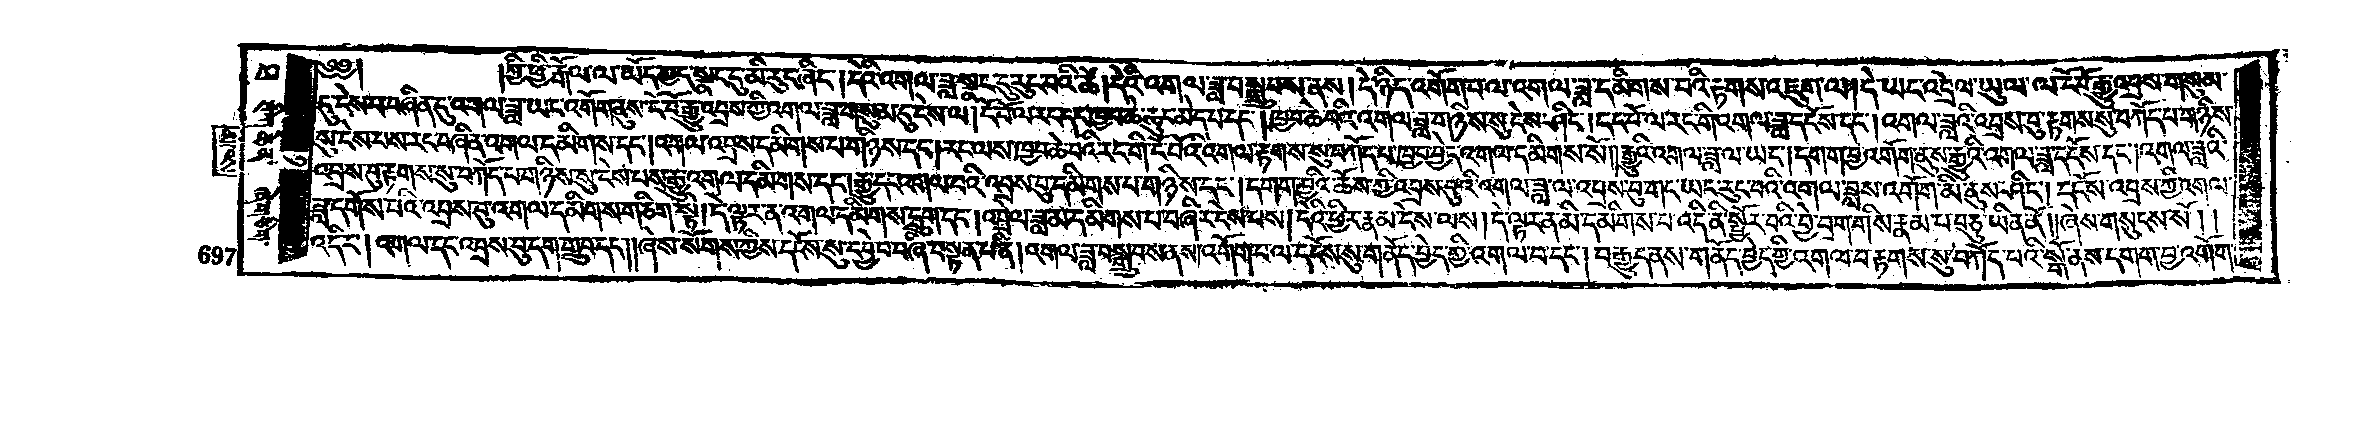༄༅། །ཀྱི་ཕྱི་རྒོལ་ལ་ཡོད་ཀྱང་སྣང་དུ་མི་རུང་ཞིང་། དེའི་འགལ་ཟླ་སྣང་དུ་རུང་བའི་ཚེ། དེའི་འགལ་ཟླ་བསྒྲུབས་ནས། དེ་ཉིད་འགོག་པ་ལ་འགལ་ཟླ་དམིགས་པའི་རྟགས་འཇུག་ལ། དེ་ཡང་འབྲེལ་ཡུལ་ལ་ངོ་བོ་རྒྱུ་འབྲས་གསུམ་
དུ་ངེས་པ་བཞིན་དུ་འགལ་ཟླ་ཡང་འགོག་ནུས་ངོ་བོ་རྒྱུ་འབྲས་ཀྱི་འགལ་ཟླ་གསུམ་དུ་ངེས་ལ། ངོ་བོ་ལ་རང་དང་ཁྱབ་ཆེ་ཆུང་མེད་པ་དང་། ཁྱབ་ཆེ་བའི་འགལ་ཟླ་གཉིས་སུ་ངེས་ཤིང་། དང་པོ་ལ་རང་གི་འགལ་ཟླ་དངོས་དང་། འགལ་ཟླའི་འབྲས་བུ་རྟགས་སུ་བཀོད་པ་གཉིས་
སུ་ངེས་པས་རང་བཞིན་འགལ་དམིགས་དང་། འགལ་འབྲས་དམིགས་པ་གཉིས་དང་། རང་ལས་ཁྱབ་ཆེ་བའི་རང་གི་ངོ་བོའི་འགལ་རྟགས་སུ་བཀོད་པ་ཁྱབ་བྱེད་འགལ་དམིགས་སོ། །རྒྱུའི་འགལ་ཟླ་ལ་ཡང་། དགག་བྱ་འགོག་ནུས་རྒྱུའི་འགལ་ཟླ་དངོས་དང་། འགལ་ཟླའི་
འབྲས་བུ་རྟགས་སུ་བཀོད་པ་གཉིས་སུ་ངེས་པས་རྒྱུ་འགལ་དམིགས་དང་། རྒྱུ་དང་འགལ་བའི་འབྲས་བུ་དམིགས་པ་གཉིས་དང་། དགག་བྱའི་ཆོས་ཀྱི་འབྲས་བུའི་འགལ་ཟླ་ལ་འབྲས་བུ་གང་ཡང་རུང་བའི་འགལ་ཟླས་འགོག་མི་ནུས་ཤིང་། དངོས་འབྲས་ཀྱི་འགལ་
ཟླ་དགོས་པའི་འབྲས་བུ་འགལ་དམིགས་གཅིག་སྟེ། དེ་ལྟར་ན་འགལ་དམིགས་དྲུག་དང་། འབྲེལ་ཟླ་མ་དམིགས་པ་བཞིར་ངེས་པས། དེའི་ཕྱིར་རྣམ་ངེས་ལས། དེ་ལྟར་ན་མི་དམིགས་པ་འདི་ནི་སྦྱོར་བའི་བྱེ་བྲག་གིས་རྣམ་པ་བཅུ་ཡིན་ནོ། །ཞེས་གསུངས་སོ། །
འདིར༑ འགལ་དང་འབྲས་བུ་དག་གྲུབ་དང་། །ཞེས་སོགས་ཀྱིས་དངོས་སུ་དབྱེ་བ་བཞི་བསྟན་པ་ནི། འགལ་ཟླ་བསྒྲུབས་ནས། འགོག་པ་ལ་དངོས་སུ་གནོད་བྱེད་ཀྱི་འགལ་བ་དང་། བརྒྱུད་ནས་གནོད་བྱེད་ཀྱི་འགལ་བ་རྟགས་སུ་བཀོད་པའི་སྒོ་ནས་དགག་བྱ་འགོག་